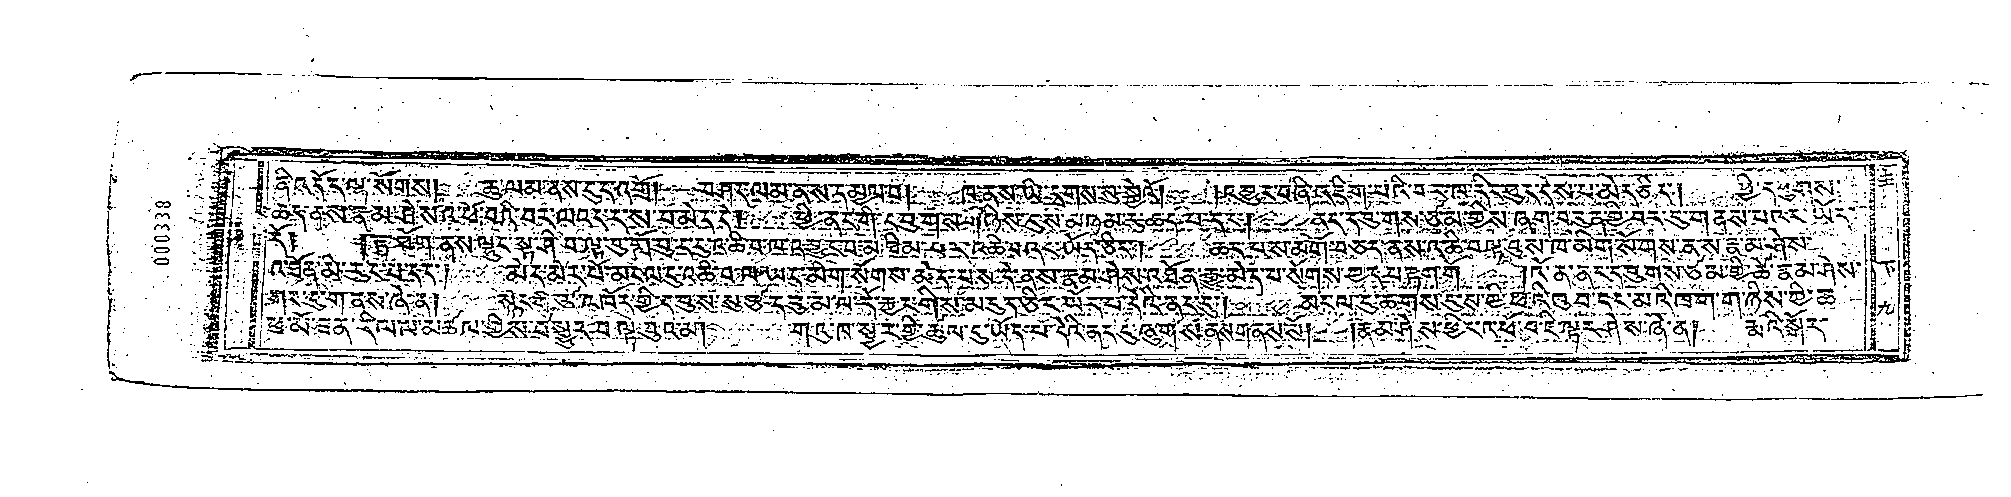ནི་འདོད་ལྷ་སོགས། ཆུ་ལམ་ནས་དུད་འགྲོ། བཤད་ལམ་ནས་དམྱལ་བ། ཁ་ནས་ཡི་དྭགས་སུ་སྐྱེའོ། །འབྱུང་བཞི་འཇིག་པའི་བར་ལ་རིང་ཐུང་དེས་པ་མེད་ཅིང་། ཕྱི་དབུགས་
ཆད་ནས་རྣམ་ཤེས་འཕོ་བའི་བར་ལའང་ད་ས་པ་མེད་དེ། ཕྱི་ནང་གི་དབུགས་གཉིས་དུས་མཉམ་དུ་ཆད་པ་དང་། ནང་དབུ་གས་ཙམ་གྱིས་ཞག་བདུན་གྱི་བར་དུ་གནས་པའང་ཡོད་
དོ། །རྟ་ཐོག་ནས་ལྷུང་སྟ་ཤི་བ་ལྟ་བུ་གློ་བུར་དུ་འཆི་བ་ལ་འབྱུང་བ་མཐིམ་པར་འཆི་བའང་ཡོད་ཅིང་། ཆད་པས་མགོ་བཅད་ནས་འཆི་བ་ལྟ་བུས་ཁ་མིག་སོགས་ནས་རྣ་མ་ཤེས་
འཐོན་མི་རུང་བ་དང་། མེར་མེར་པོ་མངལ་དུ་འཆི་བ་ལ་ཡང་མིག་སོགས་མེད་པས་དེ་ནས་རྣམ་ཤེས་འཐོན་རྒྱུ་མེད་པ་སོགས་ཀྱང་བརྟག་གོ །འོ་ན་ནང་དབུགས་ཙམ་གྱི་ཚེ་རྣམ་ཤོས་
གང་དུ་གནས་ཞེ་ན། སྙིང་གི་རྩ་འཁོར་གྱི་དབུས་སུ་རྩ་དབུ་མ་ལ་རོ་རྐྱང་གིས་མདུད་ཅིང་ཡོད་པ་དེའི་ནང་དུ། མང་ལ་དུ་ཆགས་དུས་ཀྱི་ཕའི་ཁུ་བ་དང་མའི་ཁྲག་གཉིས་ཀྱི་ཆ་
ཕྲ་མོ་ཟན་རིལ་ལ་མཚལ་གྱིས་བསྒྱུར་བ་ལྟ་བུའམ། གའུ་ཁ་སྦྱར་གྱི་ཚུལ་དུ་ཡོད་པ་དེའི་ནང་དུ་ཞུགས་ནས་གནས་སོ། །རྣམ་ཤེས་ཕྱིར་འ་ཕོ་བ་ཇི་ལྟར་ཤེས་ཞེ་ན། རྨའི་སྒོར་